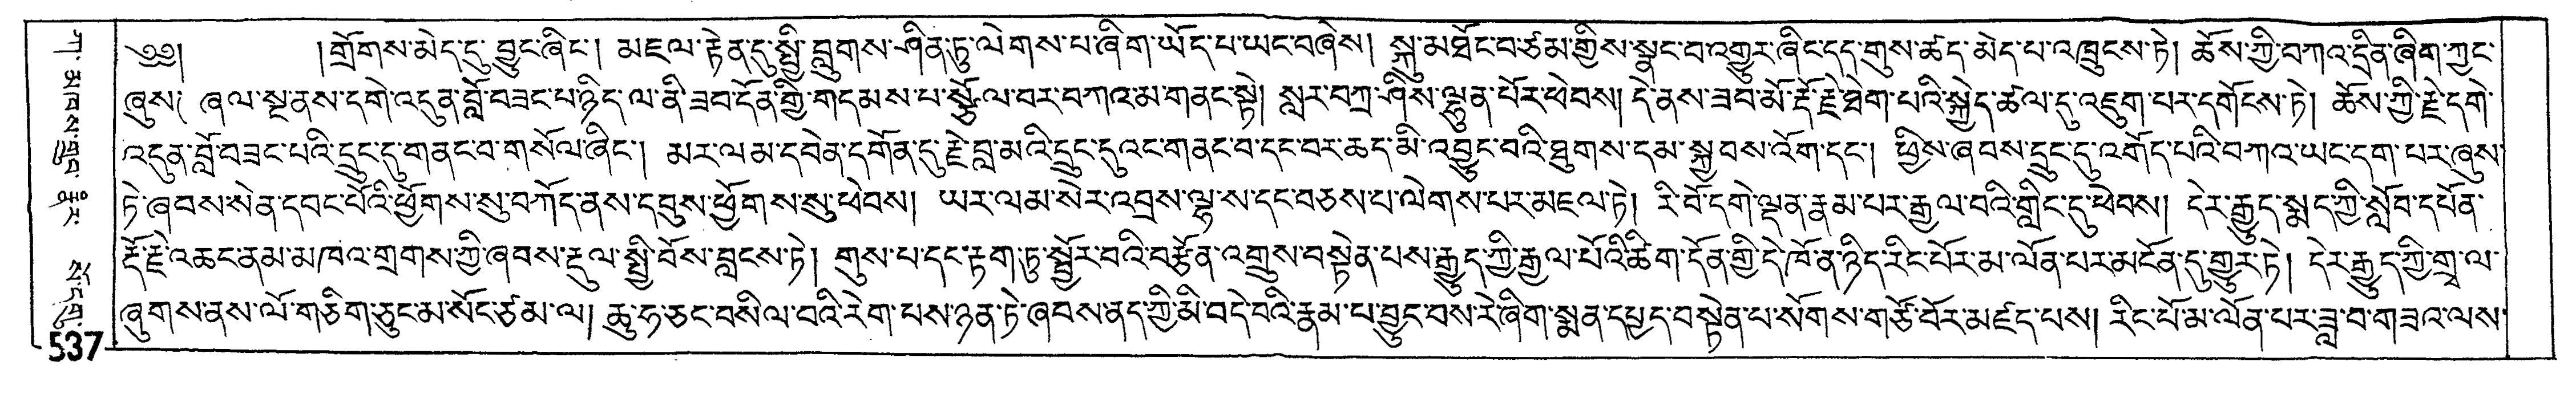༄༅། །གྲོགས་མེད་དུ་བྱུང་ཞིང་། མཇལ་རྟེན་དུ་སྤྱི་བླུགས་ཤིན་ཏུ་ལེགས་པ་ཞིག་ཡོད་པ་ཡང་བཞེས། སྐུ་མཐོང་བ་ཙམ་གྱིས་སྣང་བ་འགྱུར་ཞིང་དད་གུས་ཚད་མེད་པ་འཁྲུངས་ཏེ། ཆོས་ཀྱི་བཀའ་དྲིན་ཞིག་ཀྱང་
ཞུས༑ ཞལ་སྔ་ནས་དགེ་འདུན་བློ་བཟང་པ་ཉིད་ལ་ནི་ཟབ་དོན་གྱི་གདམས་པ་སྩོལ་བར་བཀའ་མ་གནང་སྟེ། སླར་བཀྲ་ཤིས་ལྷུན་པོར་ཕེབས། དེ་ནས་ཟབ་མོ་རྡོ་རྗེ་ཐེག་པའི་སྐྱེད་ཚལ་དུ་འཇུག་པར་དགོངས་ཏེ། ཆོས་ཀྱི་རྗེ་དགེ་
འདུན་བློ་བཟང་པའི་དྲུང་དུ་གནང་བ་གསོལ་ཞིང་། མར་ལམ་དབེན་དགོན་དུ་རྗེ་བླ་མའི་དྲུང་དུའང་གནང་བ་དང་བར་ཆད་མི་འབྱུང་བའི་ཐུགས་དམ་སྐྱབས་འོག་དང་། ཕྱིས་ཞབས་དྲུང་དུ་འགོད་པའི་བཀའ་ཡང་དག་པར་ཞུས་
ཏེ་ཞབས་སེན་དབང་པོའི་ཕྱོགས་སུ་བཀོད་ནས་དབུས་ཕྱོགས་སུ་ཕེབས། ཡར་ལམ་སེར་འབྲས་ལྷ་ས་དང་བཅས་པ་ལེགས་པར་མཇལ་ཏེ། རི་བོ་དགེ་ལྡན་རྣམ་པར་རྒྱལ་བའི་གླིང་དུ་ཕེབས། དེར་རྒྱུད་སྨད་ཀྱི་སློབ་དཔོན་
རྡོ་རྗེ་འཆང་ནམ་མཁའ་གྲགས་ཀྱི་ཞབས་རྡུལ་སྤྱི་བོས་བླངས་ཏེ། གུས་པ་དང་རྟག་ཏུ་སྦྱོར་བའི་བརྩོན་འགྲུས་བསྟེན་པས་རྒྱུད་ཀྱི་རྒྱལ་པོའི་ཚིག་དོན་གྱི་དེ་ཁོ་ན་ཉིད་རིང་པོར་མ་ལོན་པར་མངོན་དུ་གྱུར་ཏེ། དེར་རྒྱུད་ཀྱི་གྲྭ་ལ་
ཞུགས་ནས་ལོ་གཅིག་ཅུང་མ་སོང་ཙམ་ལ། ཆུ་ཧ་ཅང་བསིལ་བའི་རེག་པས་ཉན་ཏེ་ཞབས་ནད་ཀྱི་མི་བདེ་བའི་རྣམ་པ་བྱུང་བས་རེ་ཞིག་སྨན་དཔྱད་བསྟེན་པ་སོགས་གཙོ་བོར་མཛད་པས། རིང་པོ་མ་ལོན་པར་ཟླ་བ་གཟའ་ལས་